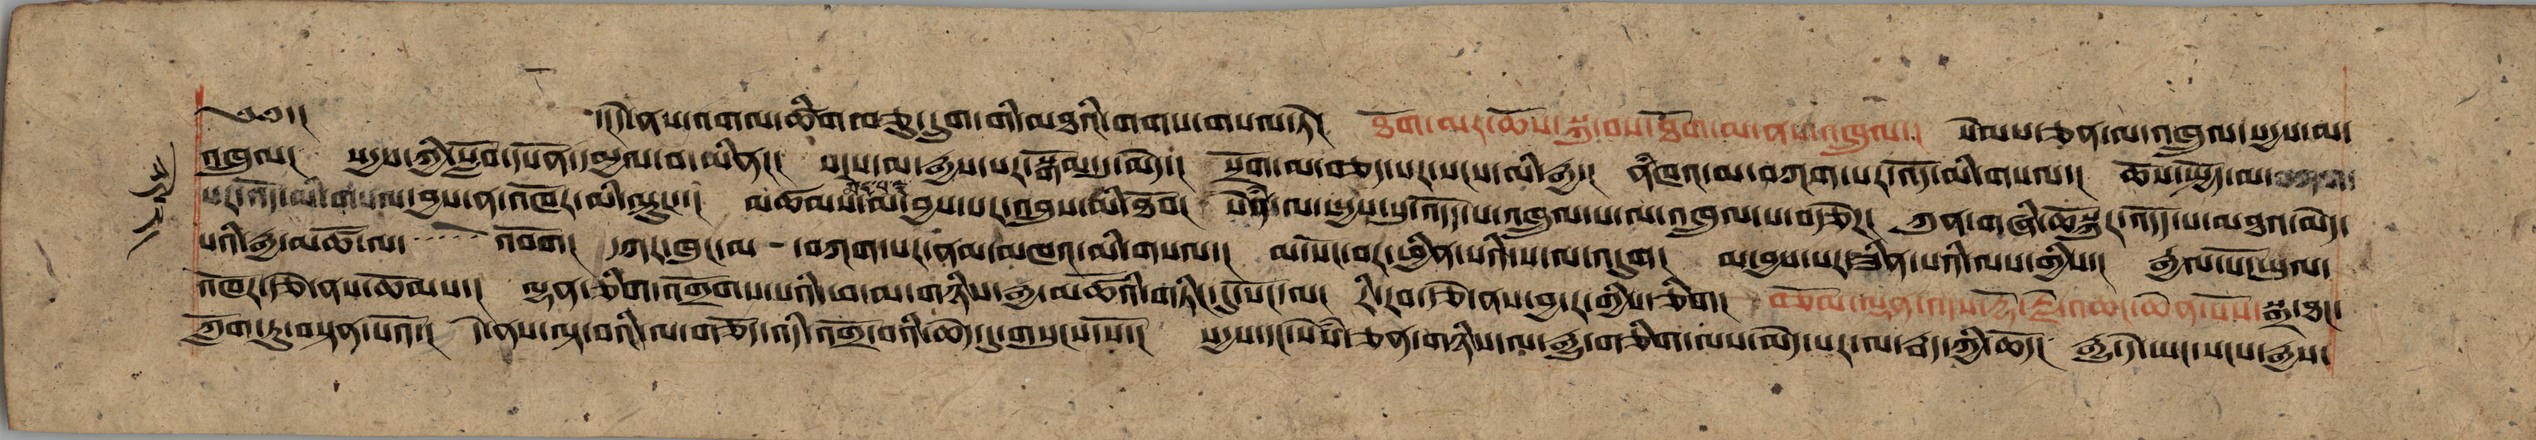༄༅་། ་།དེ་ནས་འགལ་ཚིག་བཅུ་དྲུག་གི་མཐའི་གགས་གསལ་ཏེ། ཐོག་མར་ཆོས་སྐུ་བས་ཐོག་མ་ནས་འཁྲུལ་། སེམས་ཅན་མ་འཁྲུལ་སདྱས་མ་
འཁྲུལ། སདྱས་ཀྱི་སློབ་དཔོན་དམྱལ་བ་མིན་། བདས་མ་རྒྱས་པར་སྒོམ་དུ་མེད་། སྲོག་མ་བཅད་པར་སངས་མི་རྒྱ་། ནཾཁའ་མ་བཀག་པར་འདོ་མི་གསལ་། ཆོས་སྤྱོད་མ་བཀག་
པར་འདོ་མི་གསལ་བྱས་ན་འཁོར་མི་ལྟུང་་། མཚམས་མ་བྱས་པར་འབྲུས་མི་ཐོབ་། སེཾན་ལ་སདྱས་སུ་འདོད་པ་འཁྲུལ་པ་ལ་འཁྲུལ་པ་བརྩེཌ། ཀུན་གཞི་ཆོསྐུར་འདོད་པ་མཐའ་མེད་
པའི་རྒྱ་མཚོ་ལ་ འབོག། དཀར་ཁུང་ལ ་བཀག་པར་ནམ་མཁའ་མི་གསལ་། མ་སོང་བར་ཕྱིན་པའི་ས་ལ་འདུག། མ་བྱས་པར་ཟིན་པའི་ལས་གྱིས་། རྒྱལ་པོ་ཡུལ་
འཁོར་རྩེ་ནས་ཆོམས་། ལྷན་ཅིག་འགྲོགས་པའི་ཕ་མ་གཉིས་རྒྱ་མཚོའི་གཏིང་དུ་སོང་ལ། རི་རབ་རྩེ་ནས་བྱ་ར་གྱིས་ཅིག། བཅོམ་ལྡན་འདས་རྡོ་རྗེ་འཆང་ཆེན་པོས་སྒྲ་ཐདཾ
ཀློག་ཏུ་བསྟན་པའོ་། དེ་ནས་ལྟ་བའི་ལ་གཅོད་འདི་འགྲོ་བའི་ཆེད་དུ་གསུངས་སོ་། སདྱས་སེཾས་ཅན་གཉིས་ལ་རྒྱུ་ཅིག་ལས་མེད་པར་ལ་རྦད་ཀྱི་ཆོད། རྒྱུ་དེ་ཡང་སངས་རྒྱས་